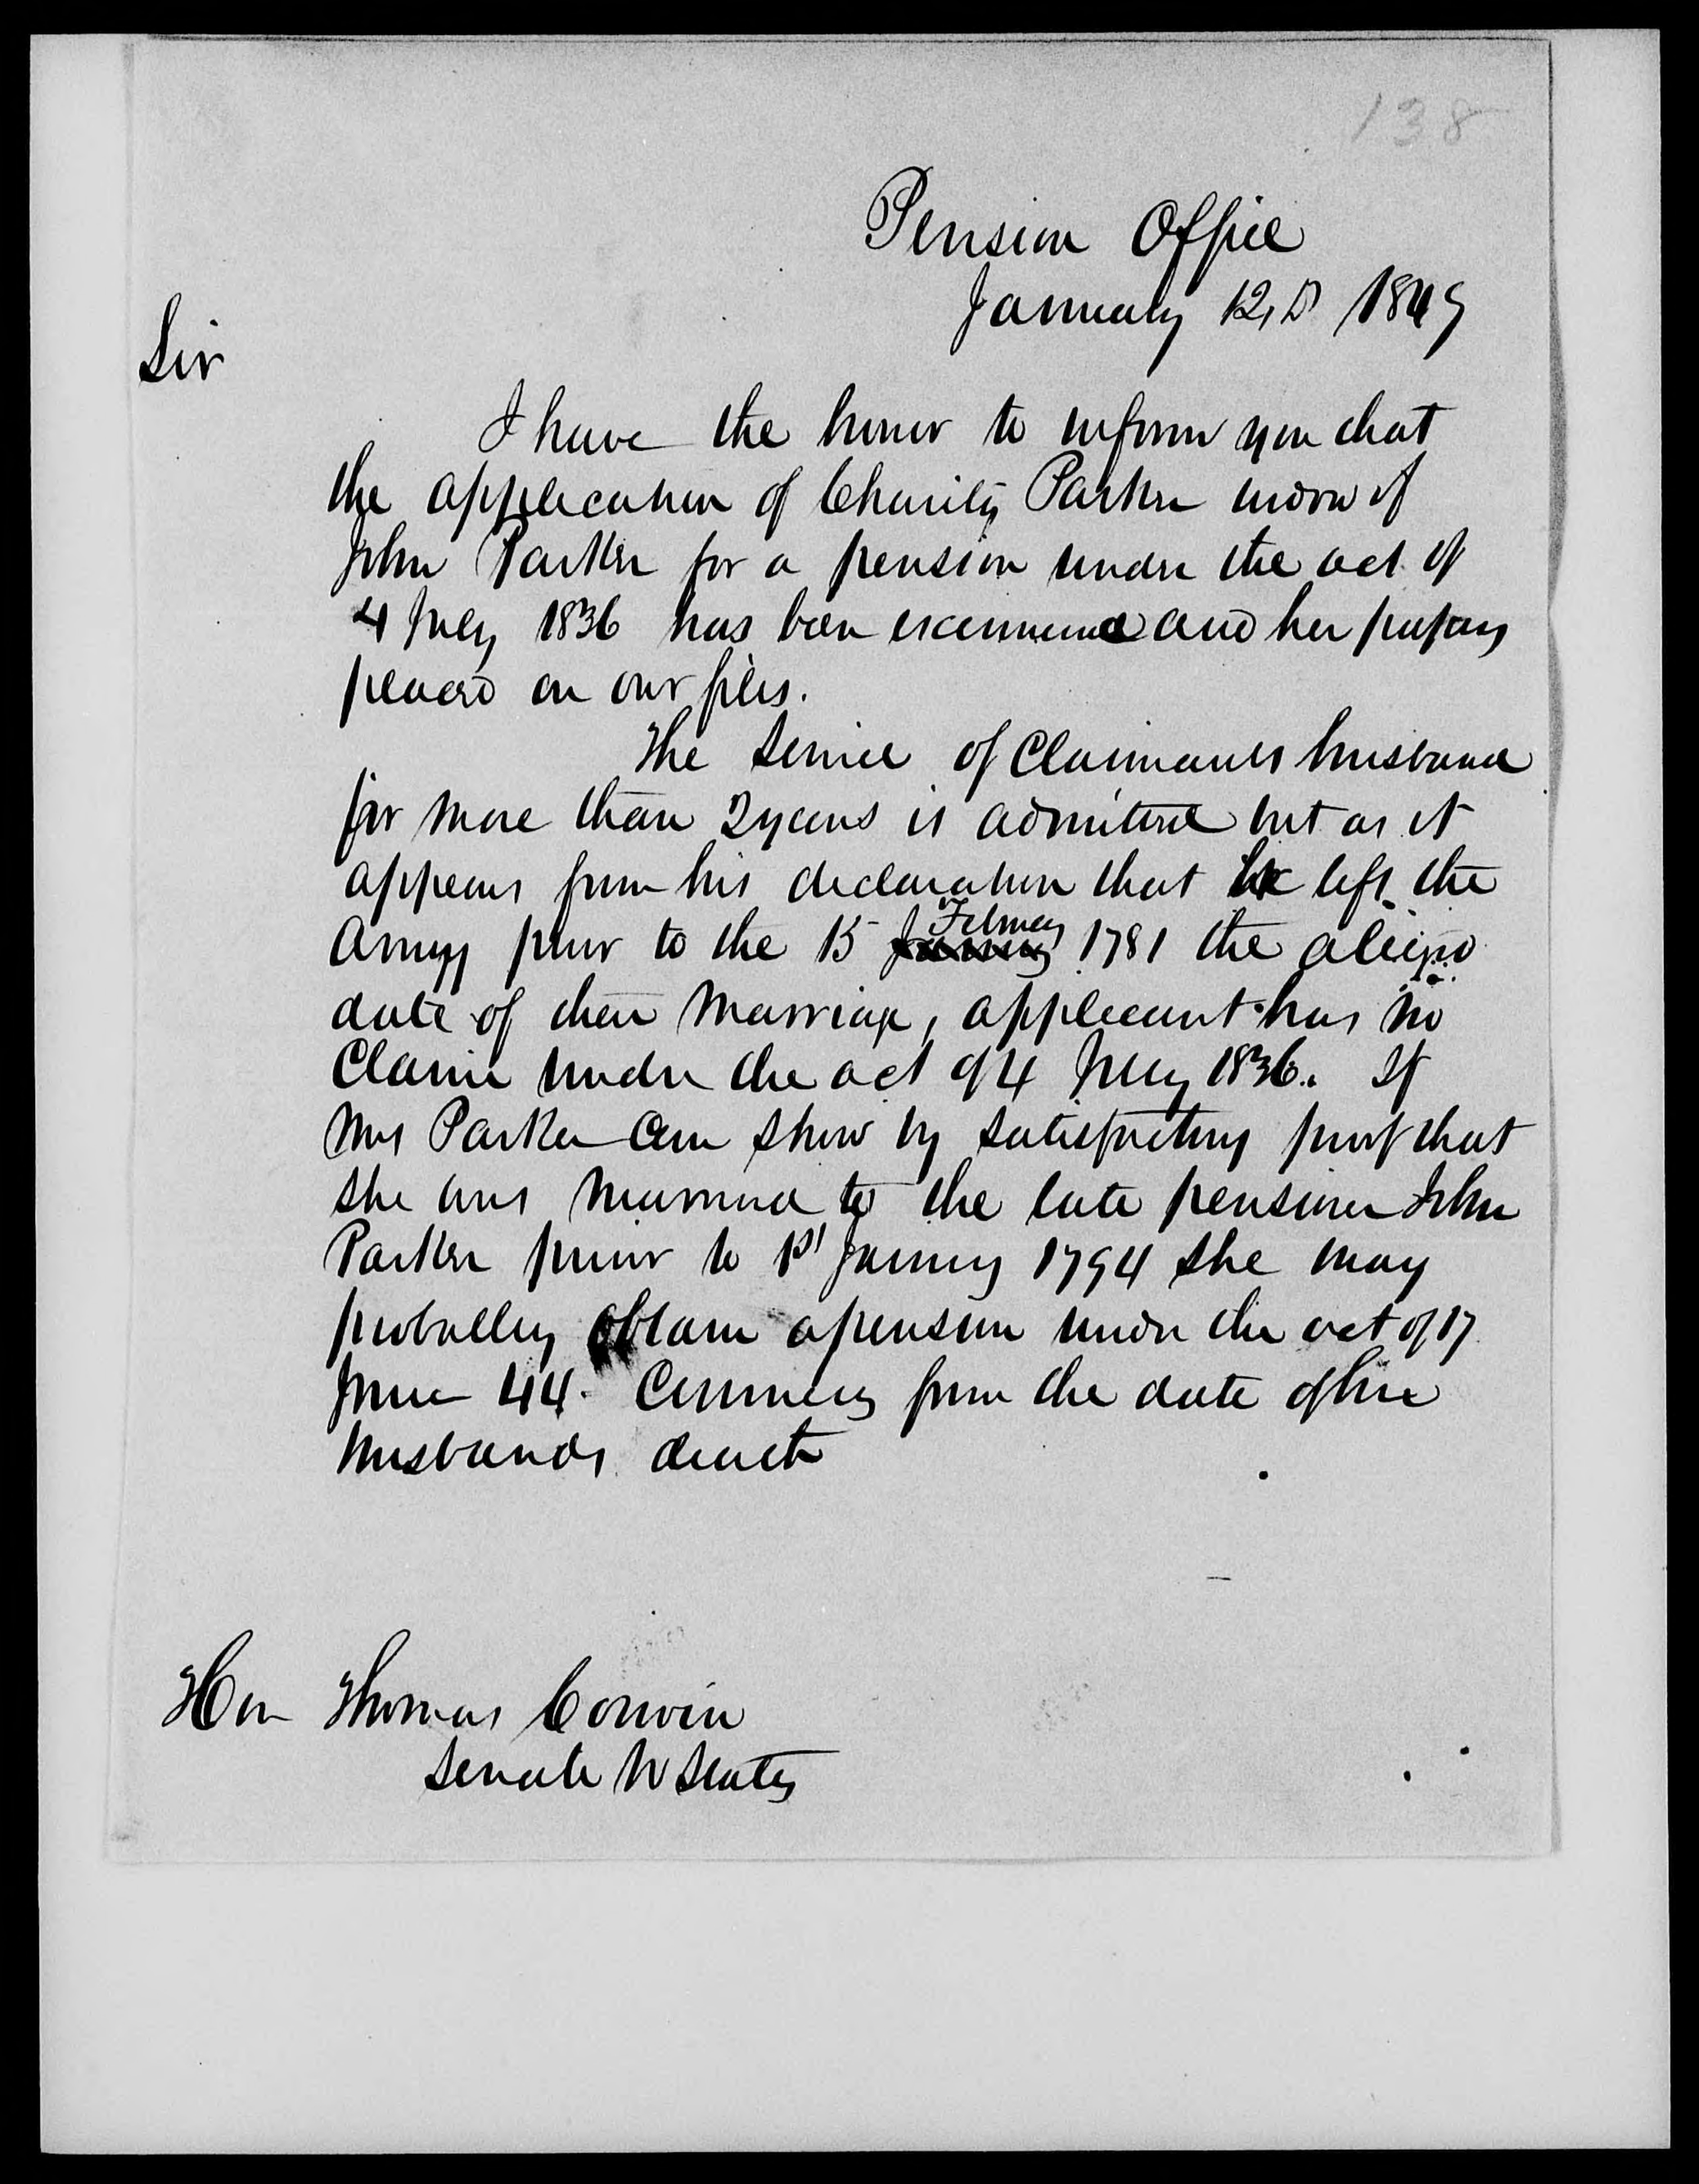138

Pension Office
January 12, A.D. 1845

Sir
I have the honor to inform you that the application of Charity Parker widow of John Parker for a pension under that act of 4 July 1836 has been examined and her papers placed in our files.
The service of Claimants [sic] husband for more than 2 years is admitted but as it appears from his declaration that he left the army prior to the 13 February 1781 the alleged date of their marriage, applicant has no claim under the act of 4 July 1836. If Mrs . Parker can show by satisfactory proof that she was married to the late pensioner John Parker prior to 1 January 1794 she may probably claim a pension under the act of 17 March 44. [illegible] from the date of her husbands death.

Hon Thomas Corwin
Senate U. States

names: Thomas Corwin; Charity Parker; John Parker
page: 31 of 40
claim: widow's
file: W. 3,588, for John Parker, Pennsylvania